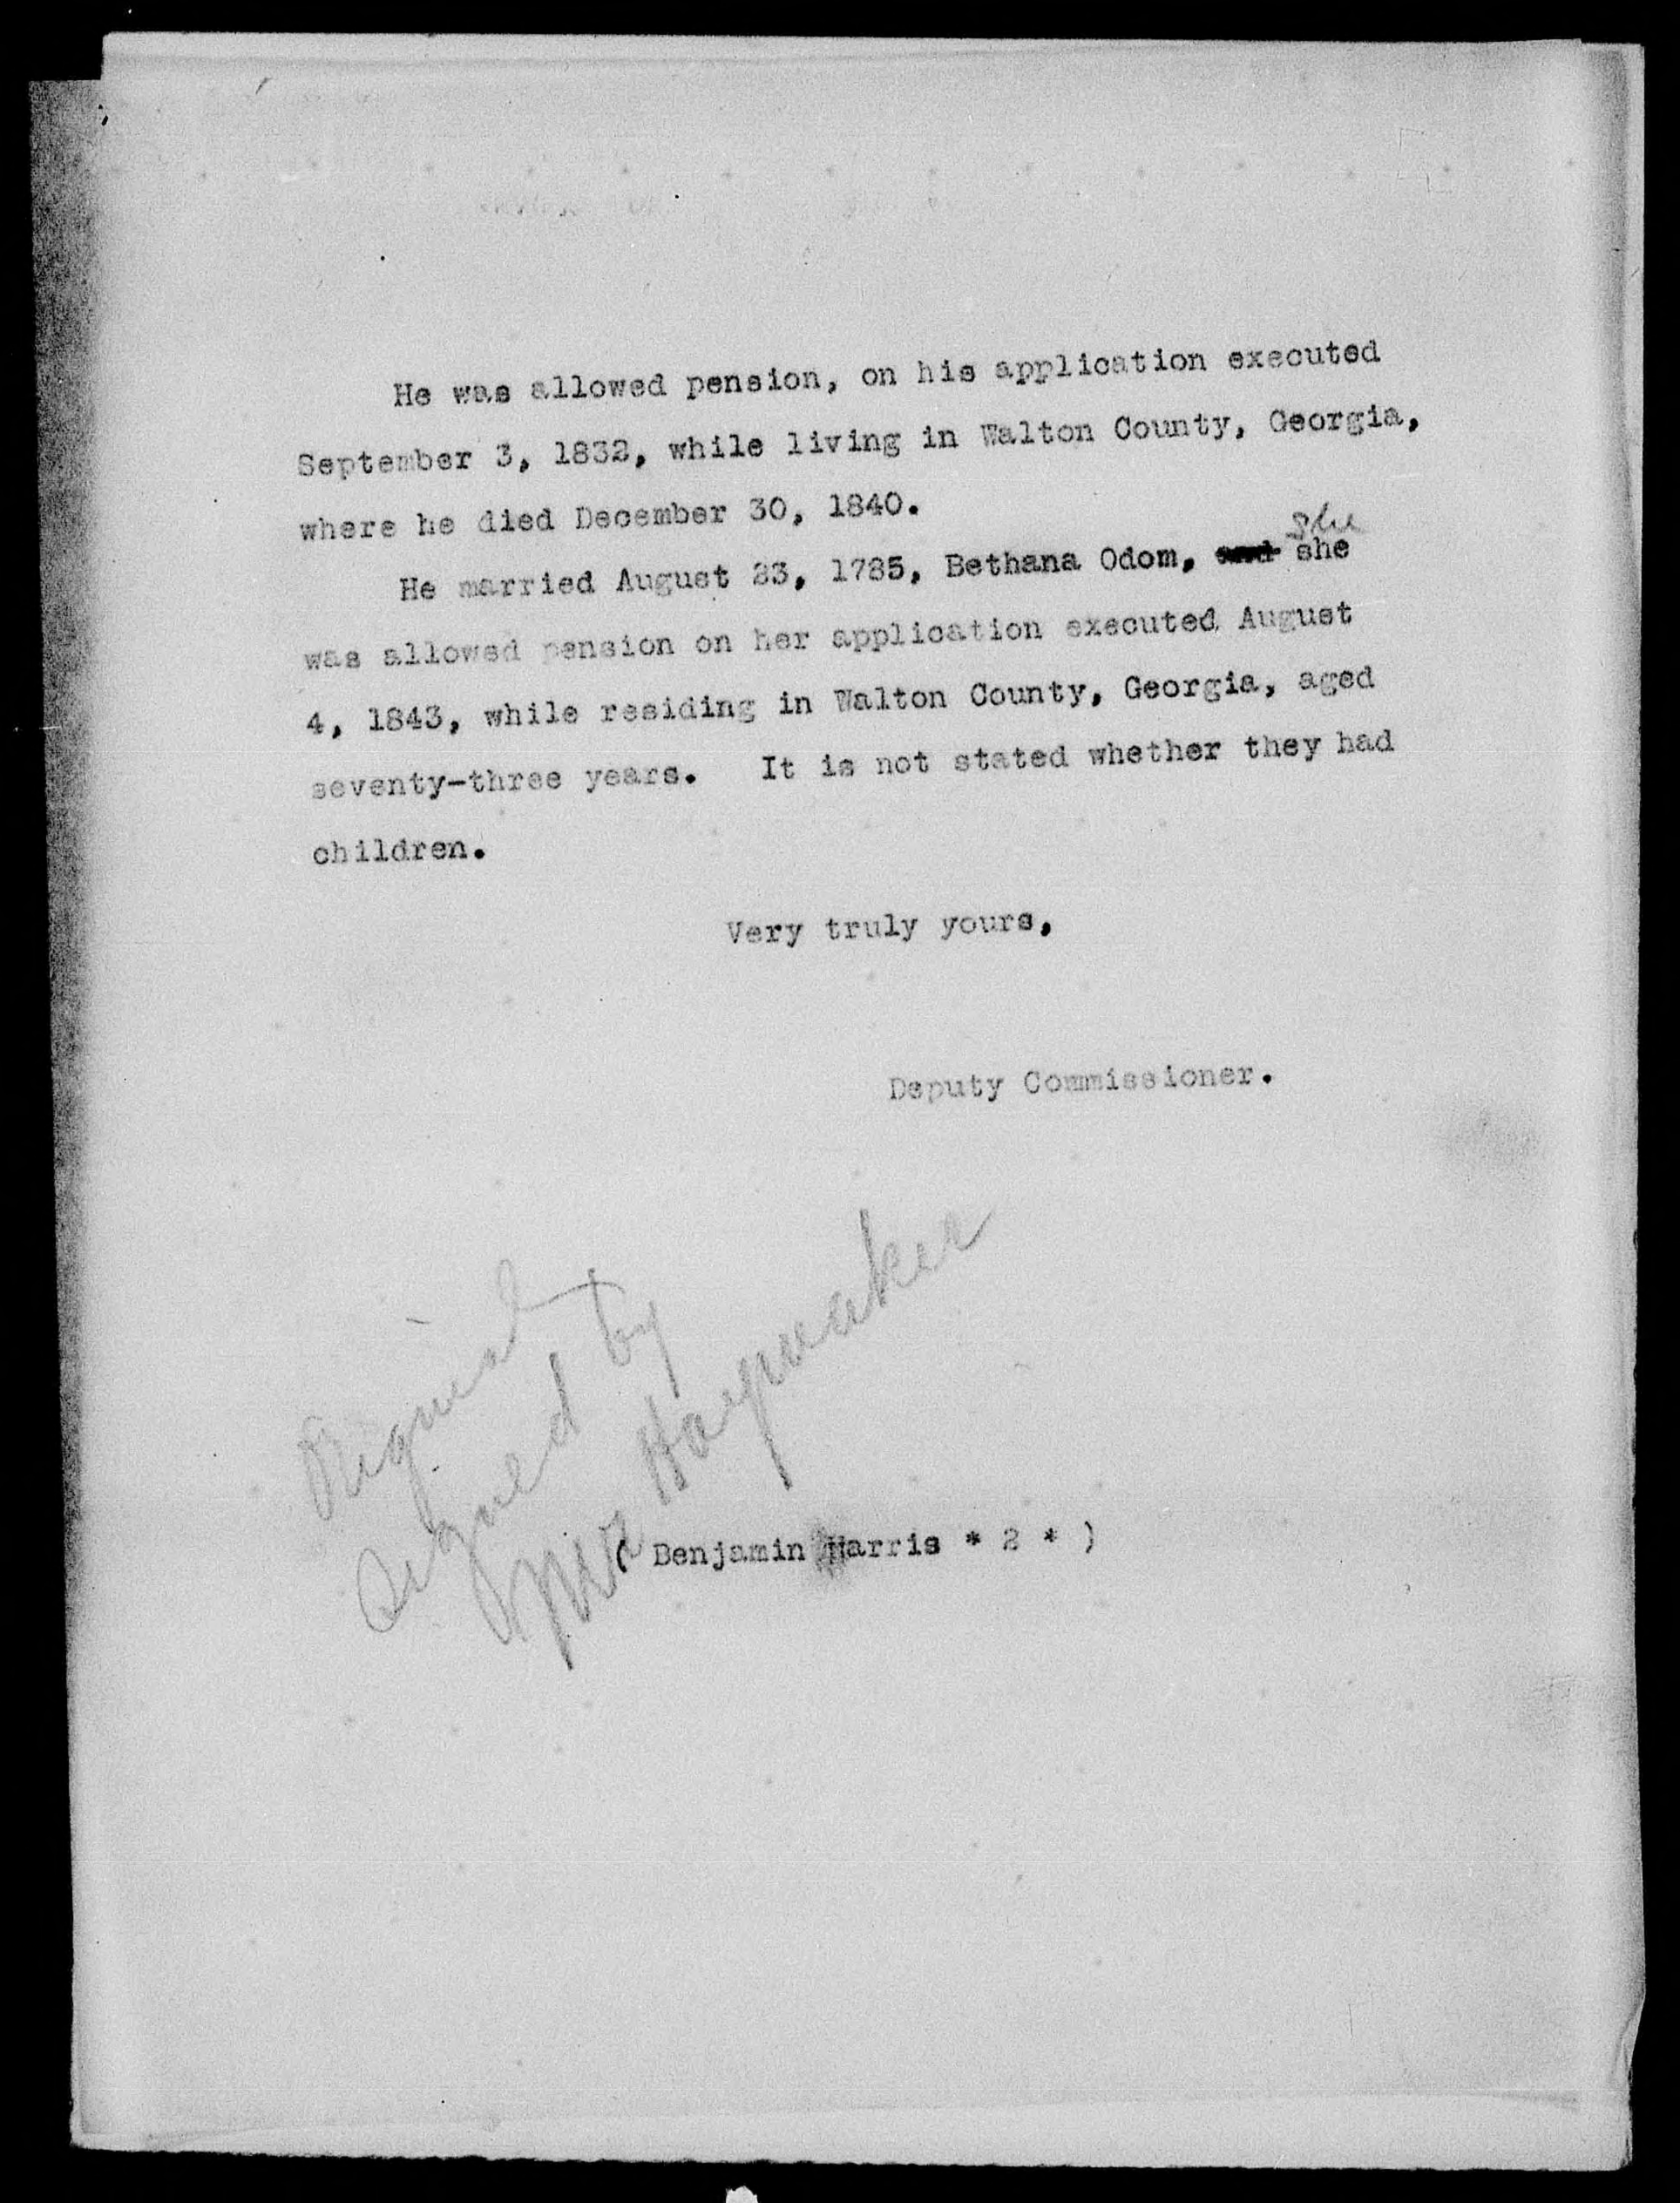He was allowed pension on his application executed September 3, 1832, while living in Walton County, Georgia, where he died December 30, 1840. 

He married August 23, 1785, Bethana Odom, and she was allowed pension on her application executed August 4, 1843, while residing in Walton County, Georgia, aged seventy-three years. It is not stated whether they had children. 

Very truly yours, Deputy Commissioner. Request Signed by Mr. Haymaker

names: Bethana Odom, Benjamin Harris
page: 56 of 62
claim: survivor's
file: S. 38816, Benjamin Harris, Mass.